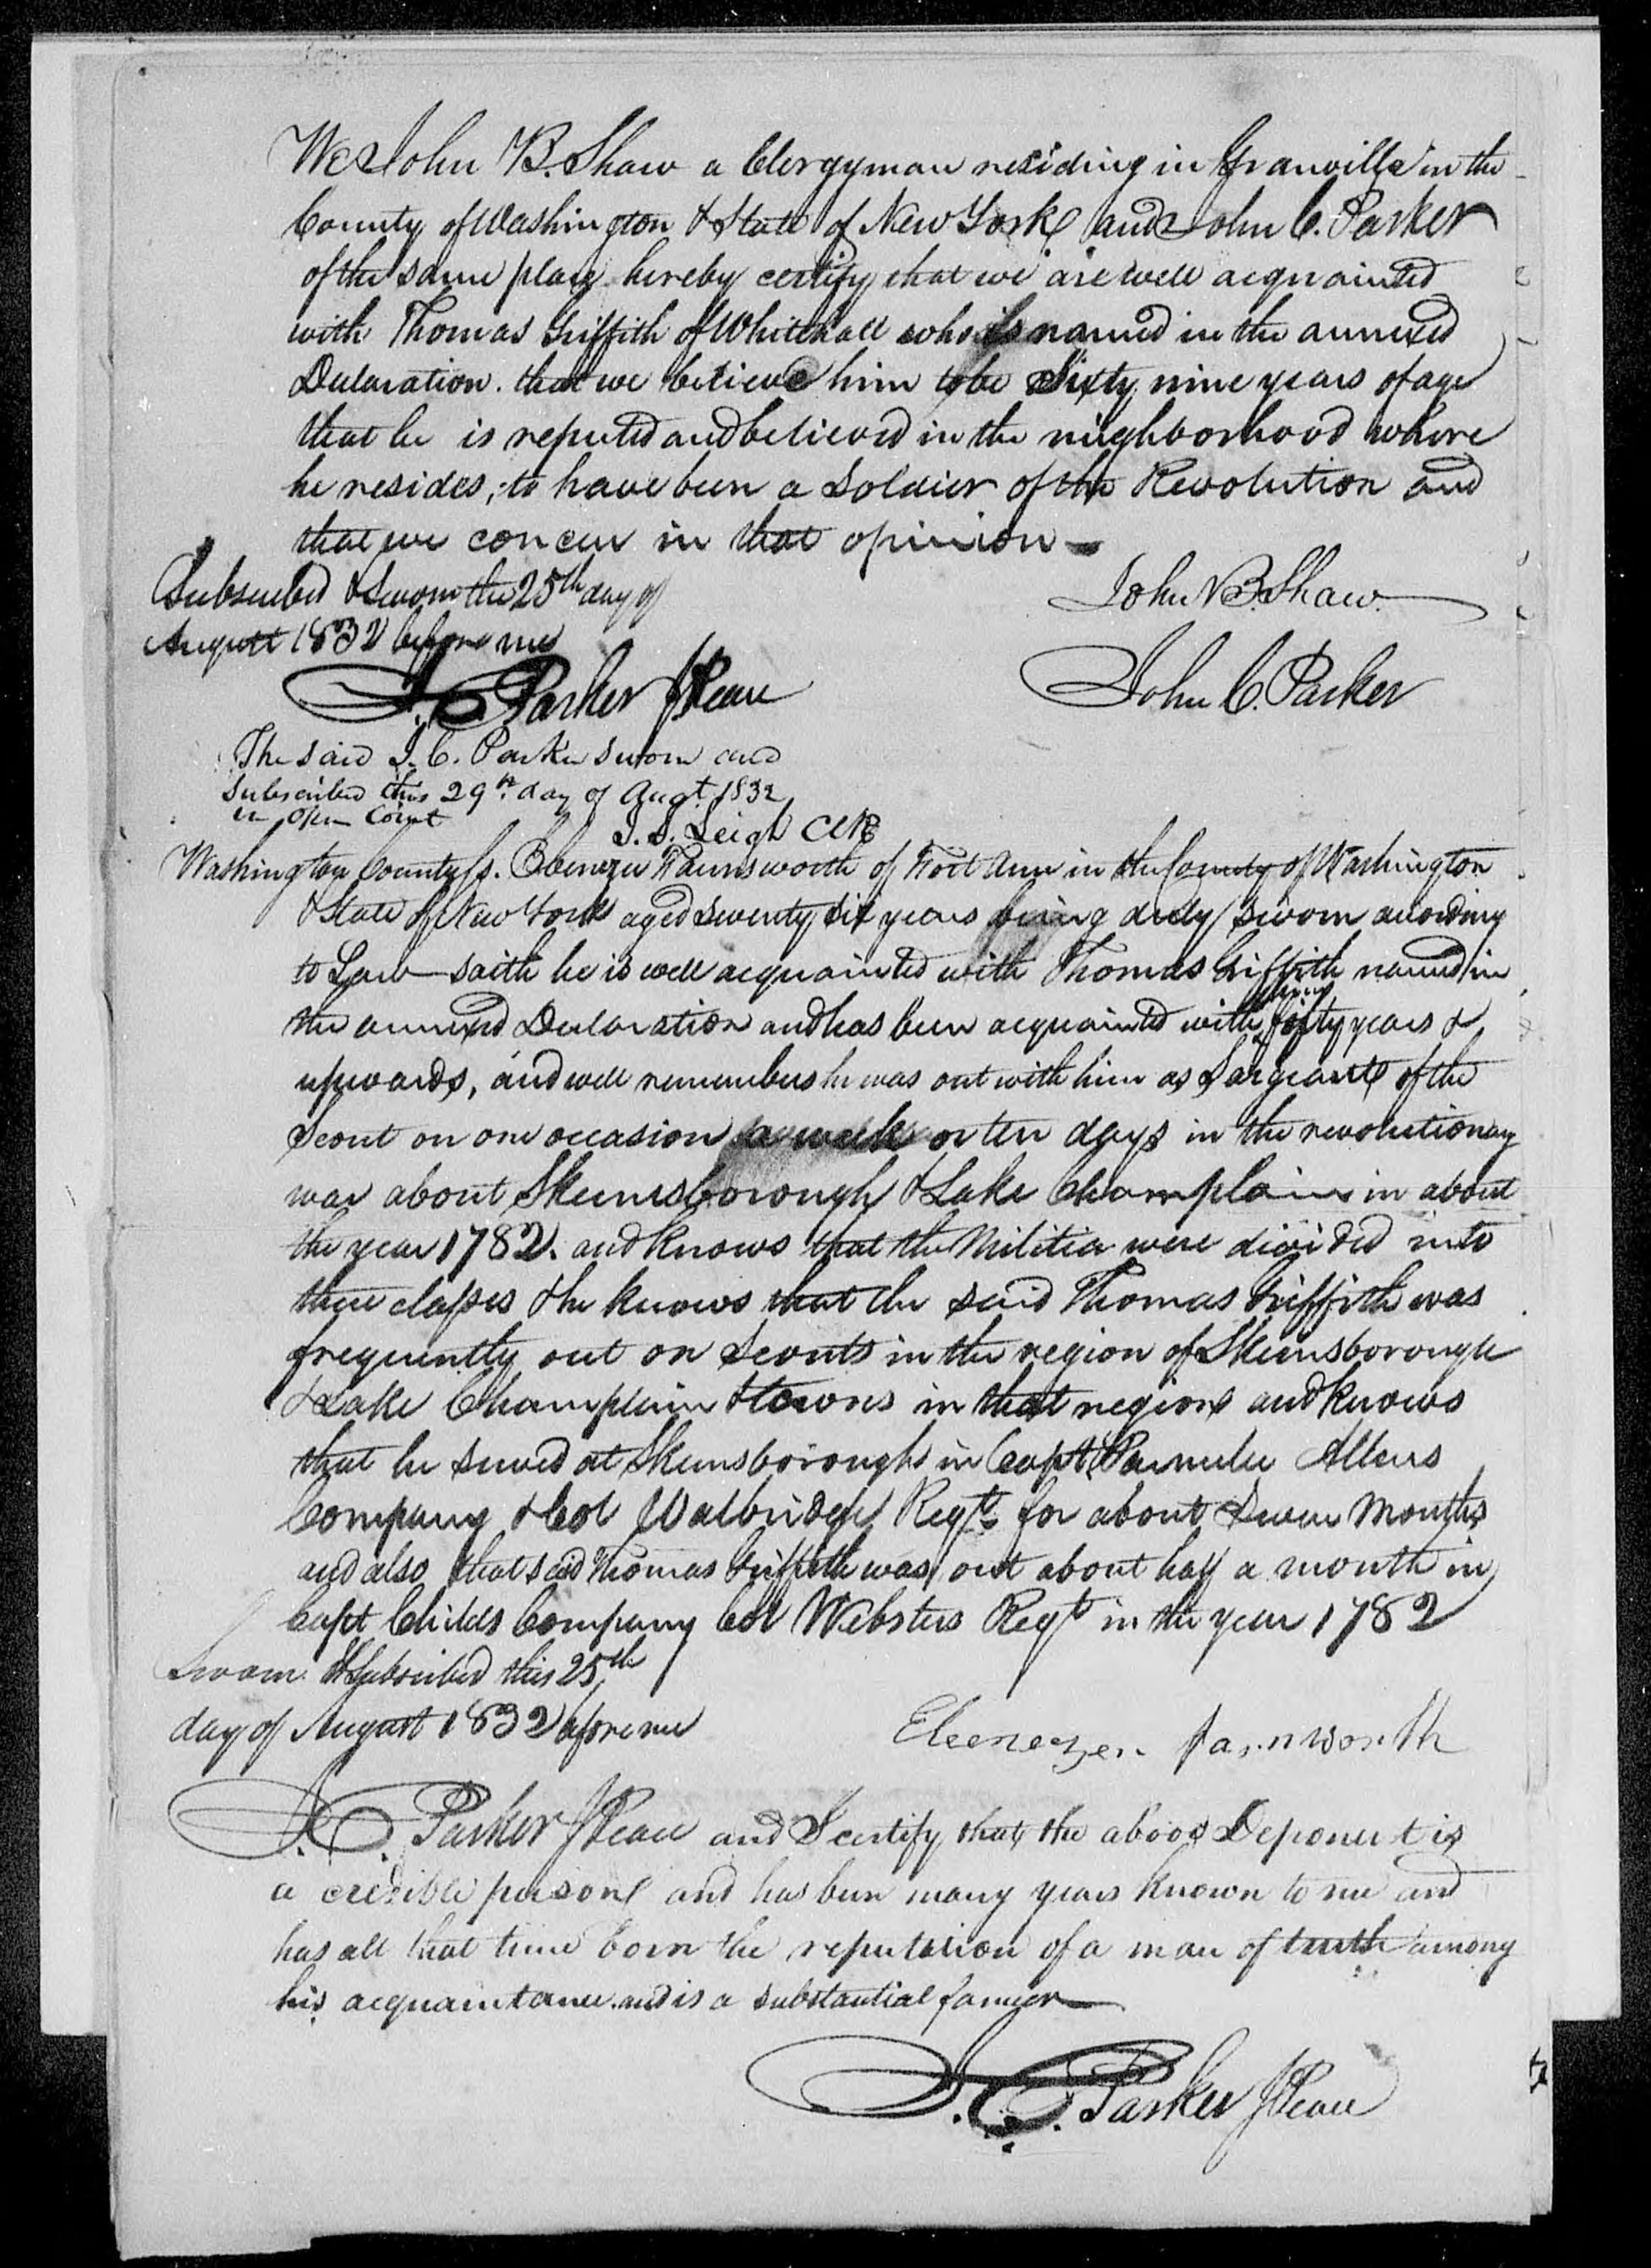We John B. Shaw a Clergyman residing in Granville in the County of Washington & State of New York and John C. Parker of the same place hereby certify that we are well acquainted with Thomas Griffith of Whitehall who is named in the annexed Declaration that we believe him to be Sixty nine years of age that he is reputed and believed in the neighborhood where he resides, to have been a soldier of the Revolution and that we concur in that opinion
John B. Shaw
John C. Parker 

Subscribed & Sworn the 25th day of August 1832 before me
J. C. Parker J Peace
said J. C. Parker Sworn and subscribed the 29 day of Augt 1832 in open court
J.S. Leigh Clerk

Washington County ss. 
Ben Hainsworth of Fort Ann in the County of Washington & State of New York aged Seventy Six years being duly sworn according to Law saith he is well acquainted with Thomas Griffith named in the annexed Declaration and has been acquainted with him fifty years & upwards, and well remembers he was out with him as Sergeant of the Scout on one occasion a week or ten days in the revolutionary war about Skeensborough & Lake Champlain in about the year 1782. and knows that the Militia were divided into three classes & he knows that the said Thomas Griffith was frequently out on Scouts in the region of Skeensborough Lake Champlain & towns in that region and knows that he served at Skeensborough in Capt. Parmelee Allens Company & Col Walbridge Regt for about seven months and also that said Thomas Griffith was out about half a month in
Capt Childs Company Col Websters Regt in the year 1782
Ebenezer Farnsworth [signature]

Sworn Subscribed this 25th day of August 1832 before me
J.C. Parker J Peace 

and I certify that the above Deponent is a credible person and has been many years known to me and has all that time born the reputation of a man of truth among his 
acquaintance, and is a substantial farmer
J.C. Parker J Peace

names: Thomas Griffith, J S Leigh, J C Parker, J C Parker, John B Shaw, J C Parker, John C Parker, J C Parker, Thomas Griffith, John B Shaw, John C Parker, Thomas Griffith, Thomas Griffith, Ebenezer Farnworth, Ebenezer Farmsworth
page: 9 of 14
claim: survivor's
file: S. 23663, Thomas Griffith, New York Vt.